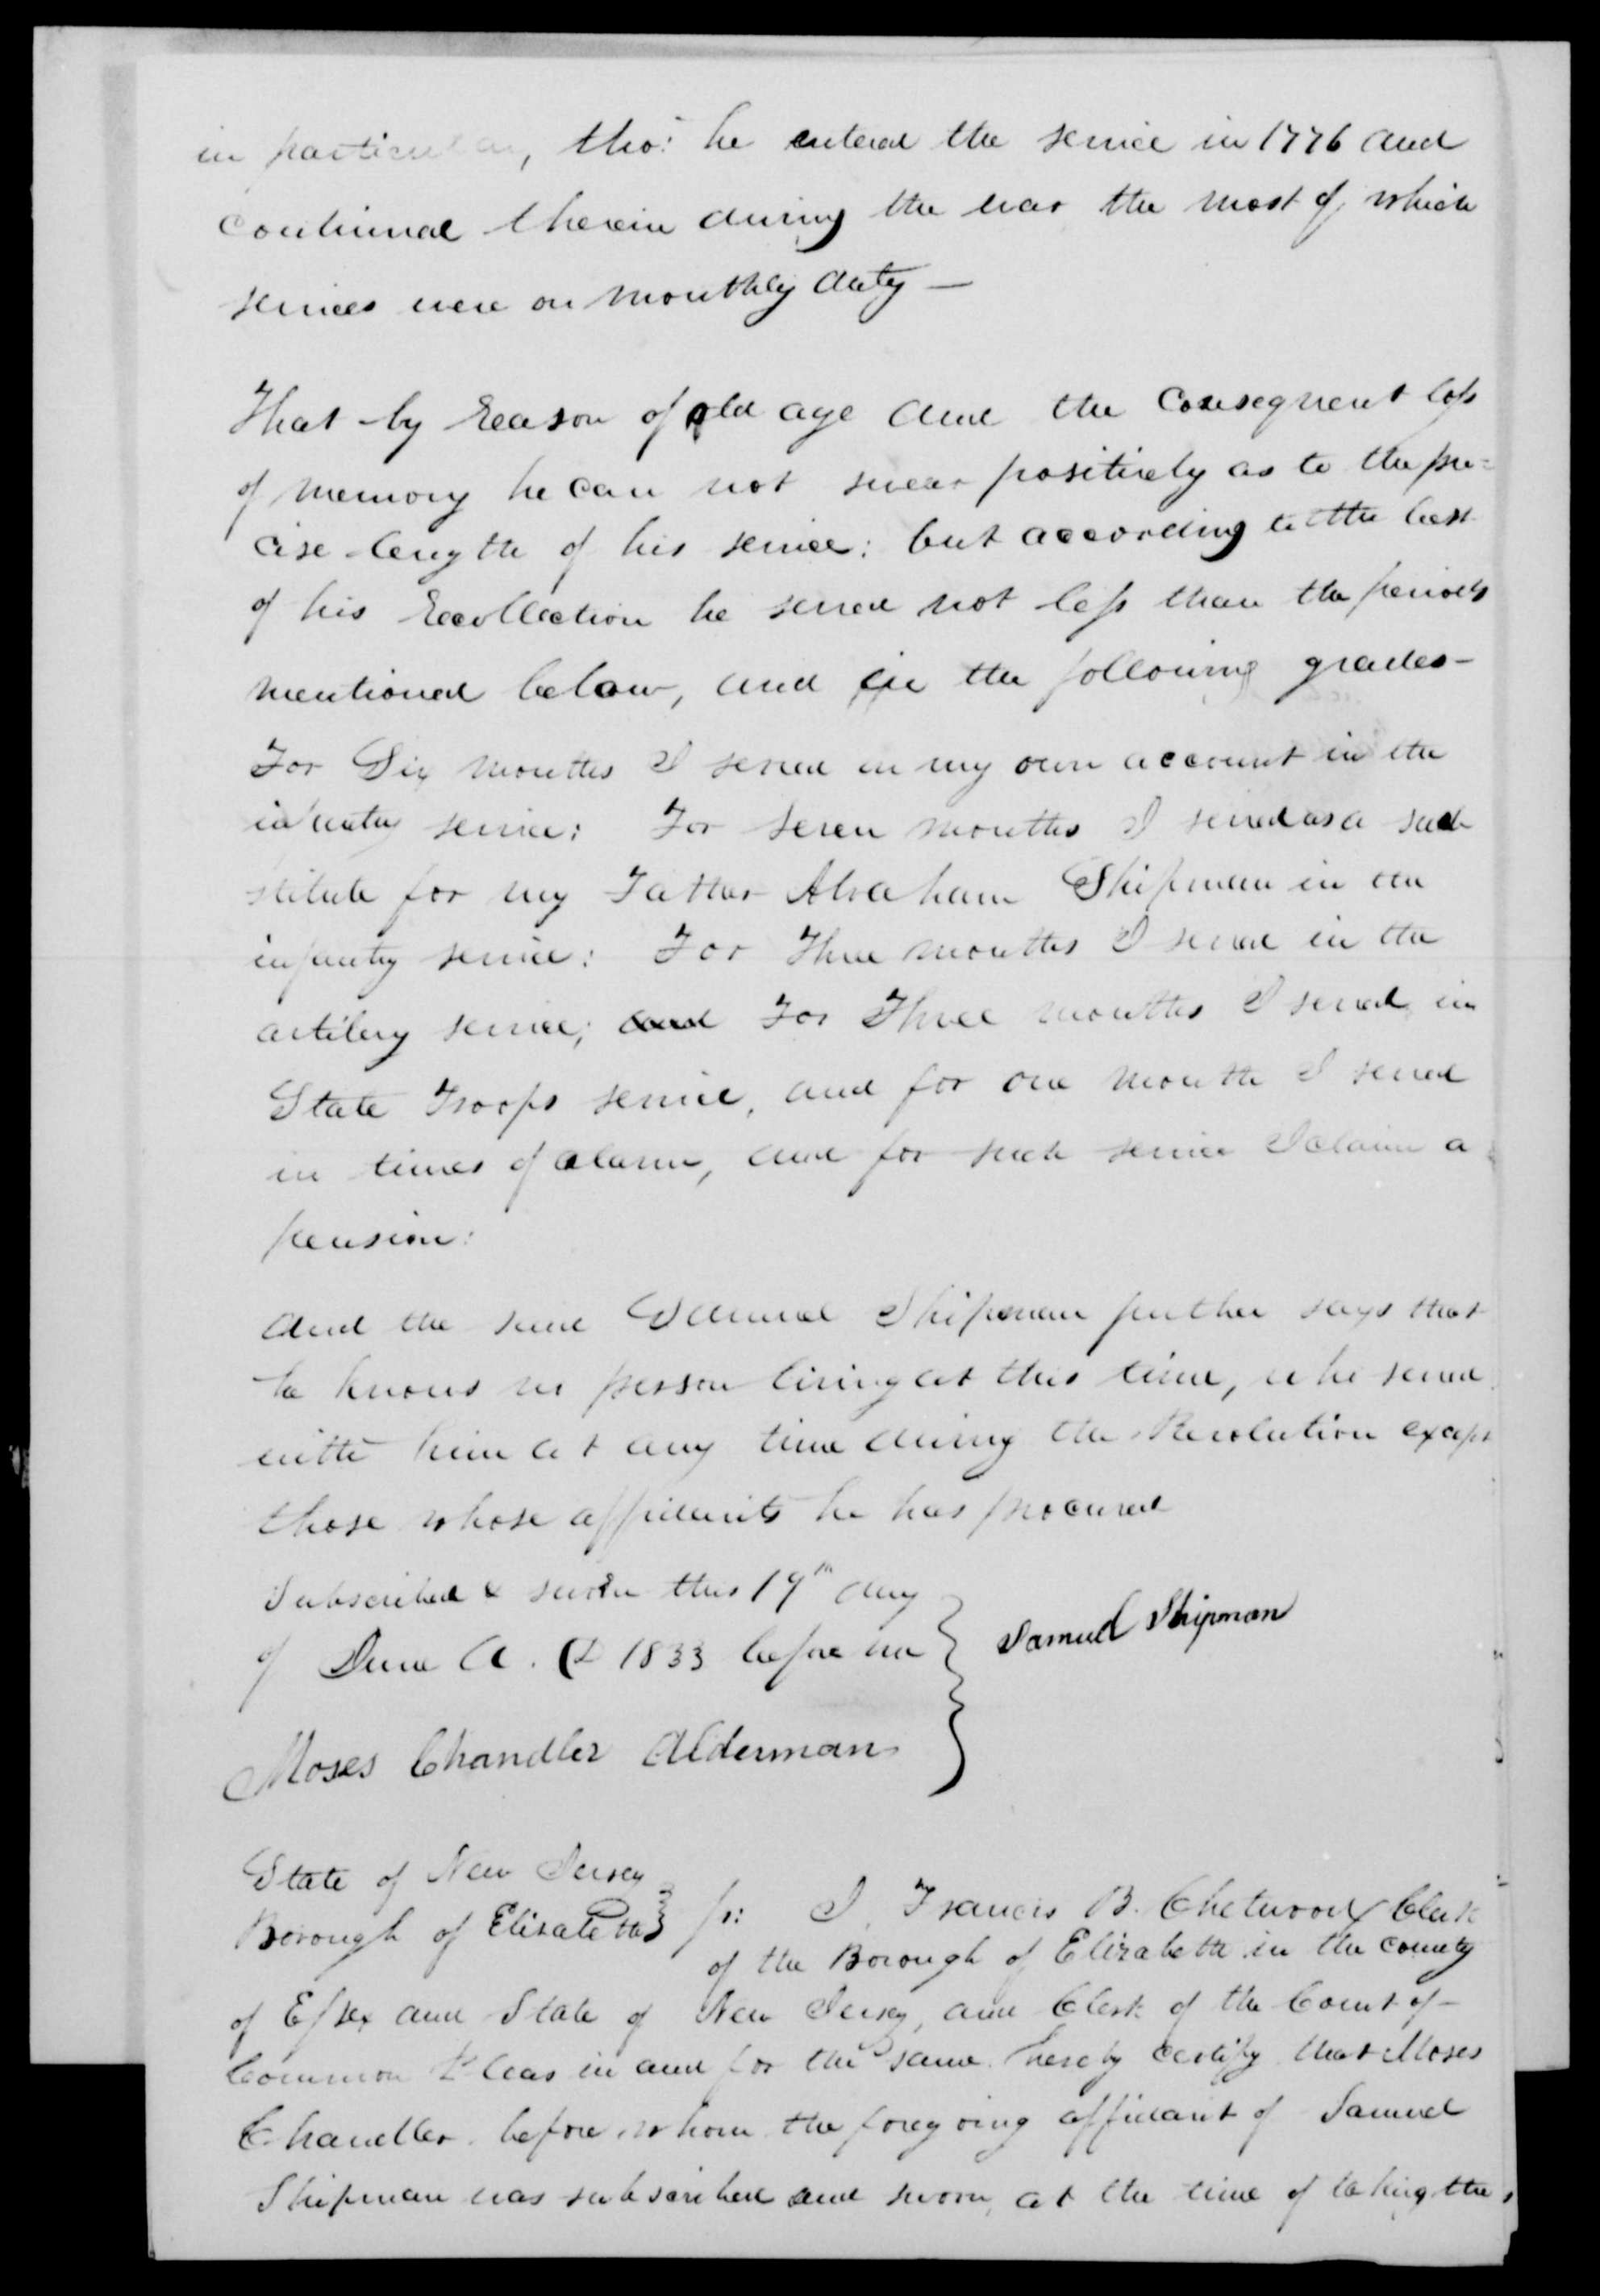in particular, tho: he entered the service in 1776 and continued therein during the war the most of which services were on monthly duty --
   That by reason of old age and the consequent loss of memory he can not swear positively as to the precise length of his service: but according to the best of his recollection he served not less than the periods mentioned below, and in the following grades -- For six months I served in my own account in the infantry service: For seven months I served as a substitute for my Father Abraham Shipman in the infantry service: For three months I served in the artillery service; For Three months I served in State Troops service, and for one month I served in times of alarm, and for such service I claim a pension:
    And the said Samuel Shipman further says that he knows no person living at this time, who served with him at any time during the Revolution except those whose affidavits he has procured. Samuel Shipman
Subscribed + sworn this 19th day of June A. D. 1833 before me Moses Chandler Alderman}
State of New Jersey Borough of Elizabeth}Ss: I Francis B. Chetwood Clerk of the Borough of Elizabeth in the County of Essex and State of New Jersey and Clerk of the Court of Common Pleas in and for the same hereby certify that Moses Chandler,  before whom the foregoing affidavit of Samuel Shipman was subscribed and sworn at the time of taking the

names: Samuel Shipman; Francis B Chetwood; Moses Chandler; Samuel Shipman; Moses Chandler; Samuel Shipman; Abraham Shipman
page: 26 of 44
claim: survivor's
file: S. 912, for Samuel Shipman, New Jersey